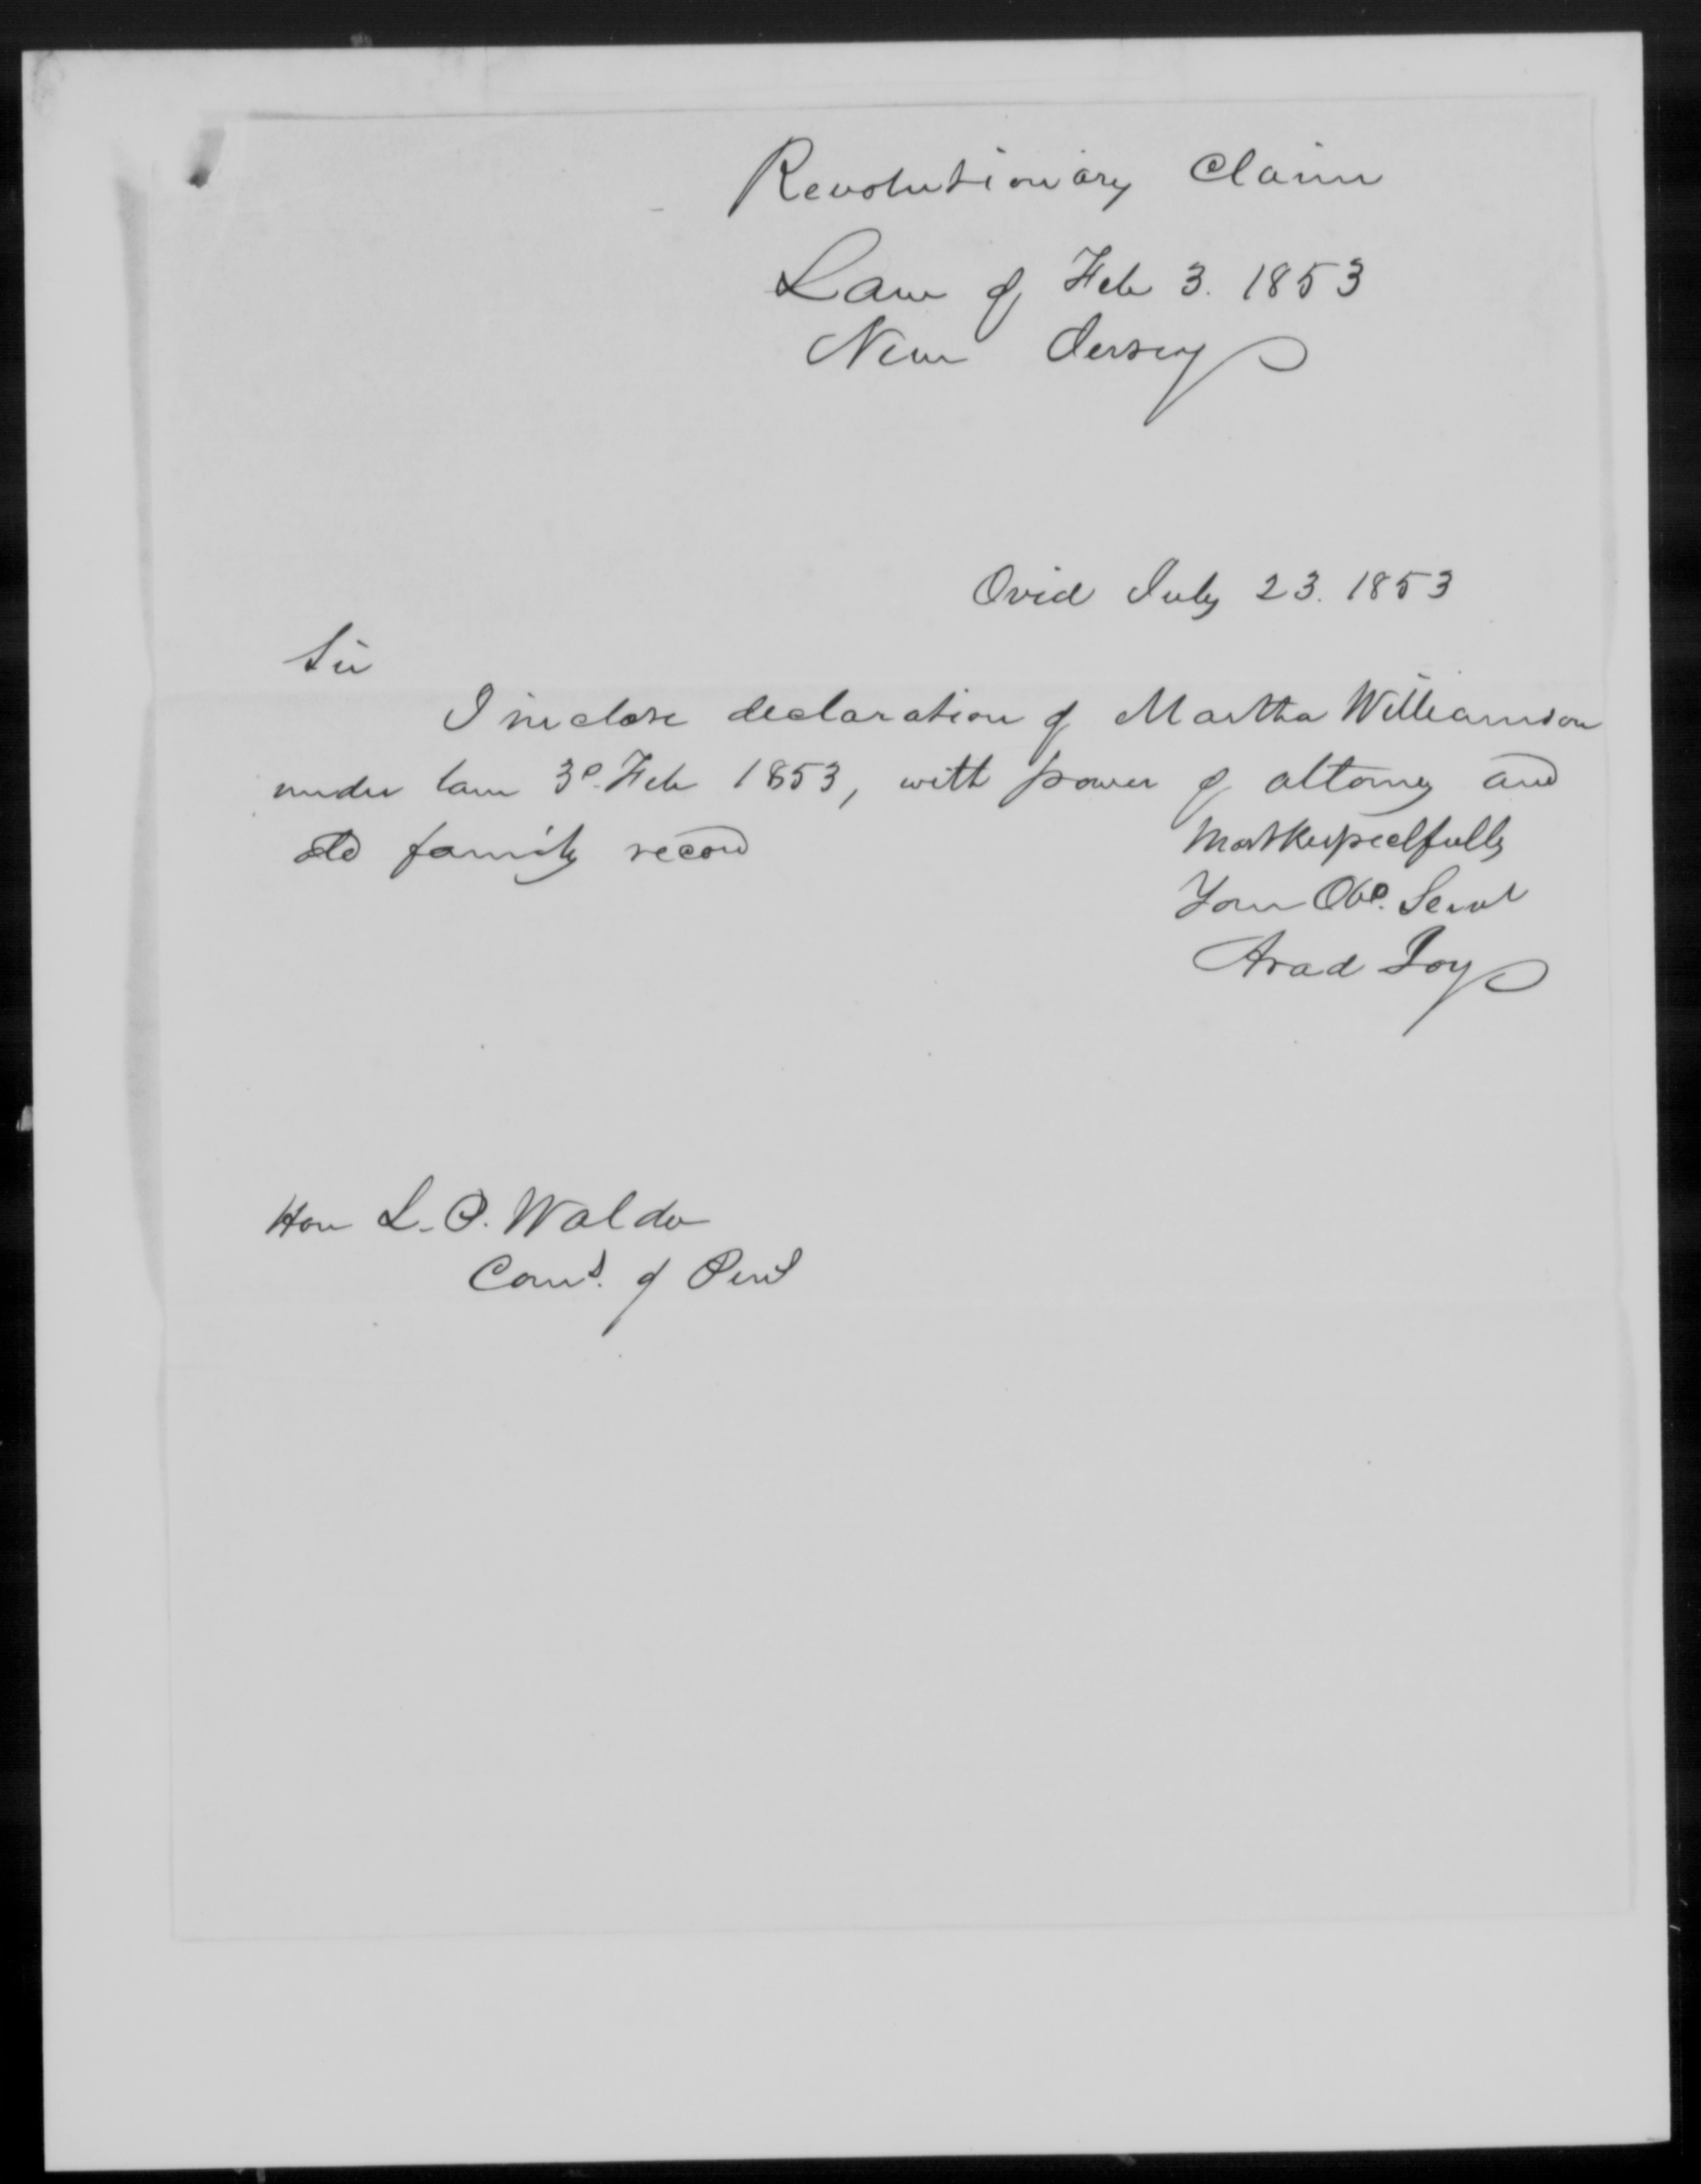Revolutionary Claim
Law of Feb 3, 1853.
New Jersey

Ovid, July 23, 1853.

Sir,

I enclose declaration of Martha Williamson under law 3rd Feb. 1853 with Power of Attorney and old family record.

Most respectfully your obe(dient) ser(vant),
s/ Arad Joy 

Hon. L.P. Waldo
Comm(issioner) of Pen(sions)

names: Martha Williamson, Arad Joy, L P Waldo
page: 57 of 67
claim: widow's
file: W. 2393, Jacob Williamson, New Jersey